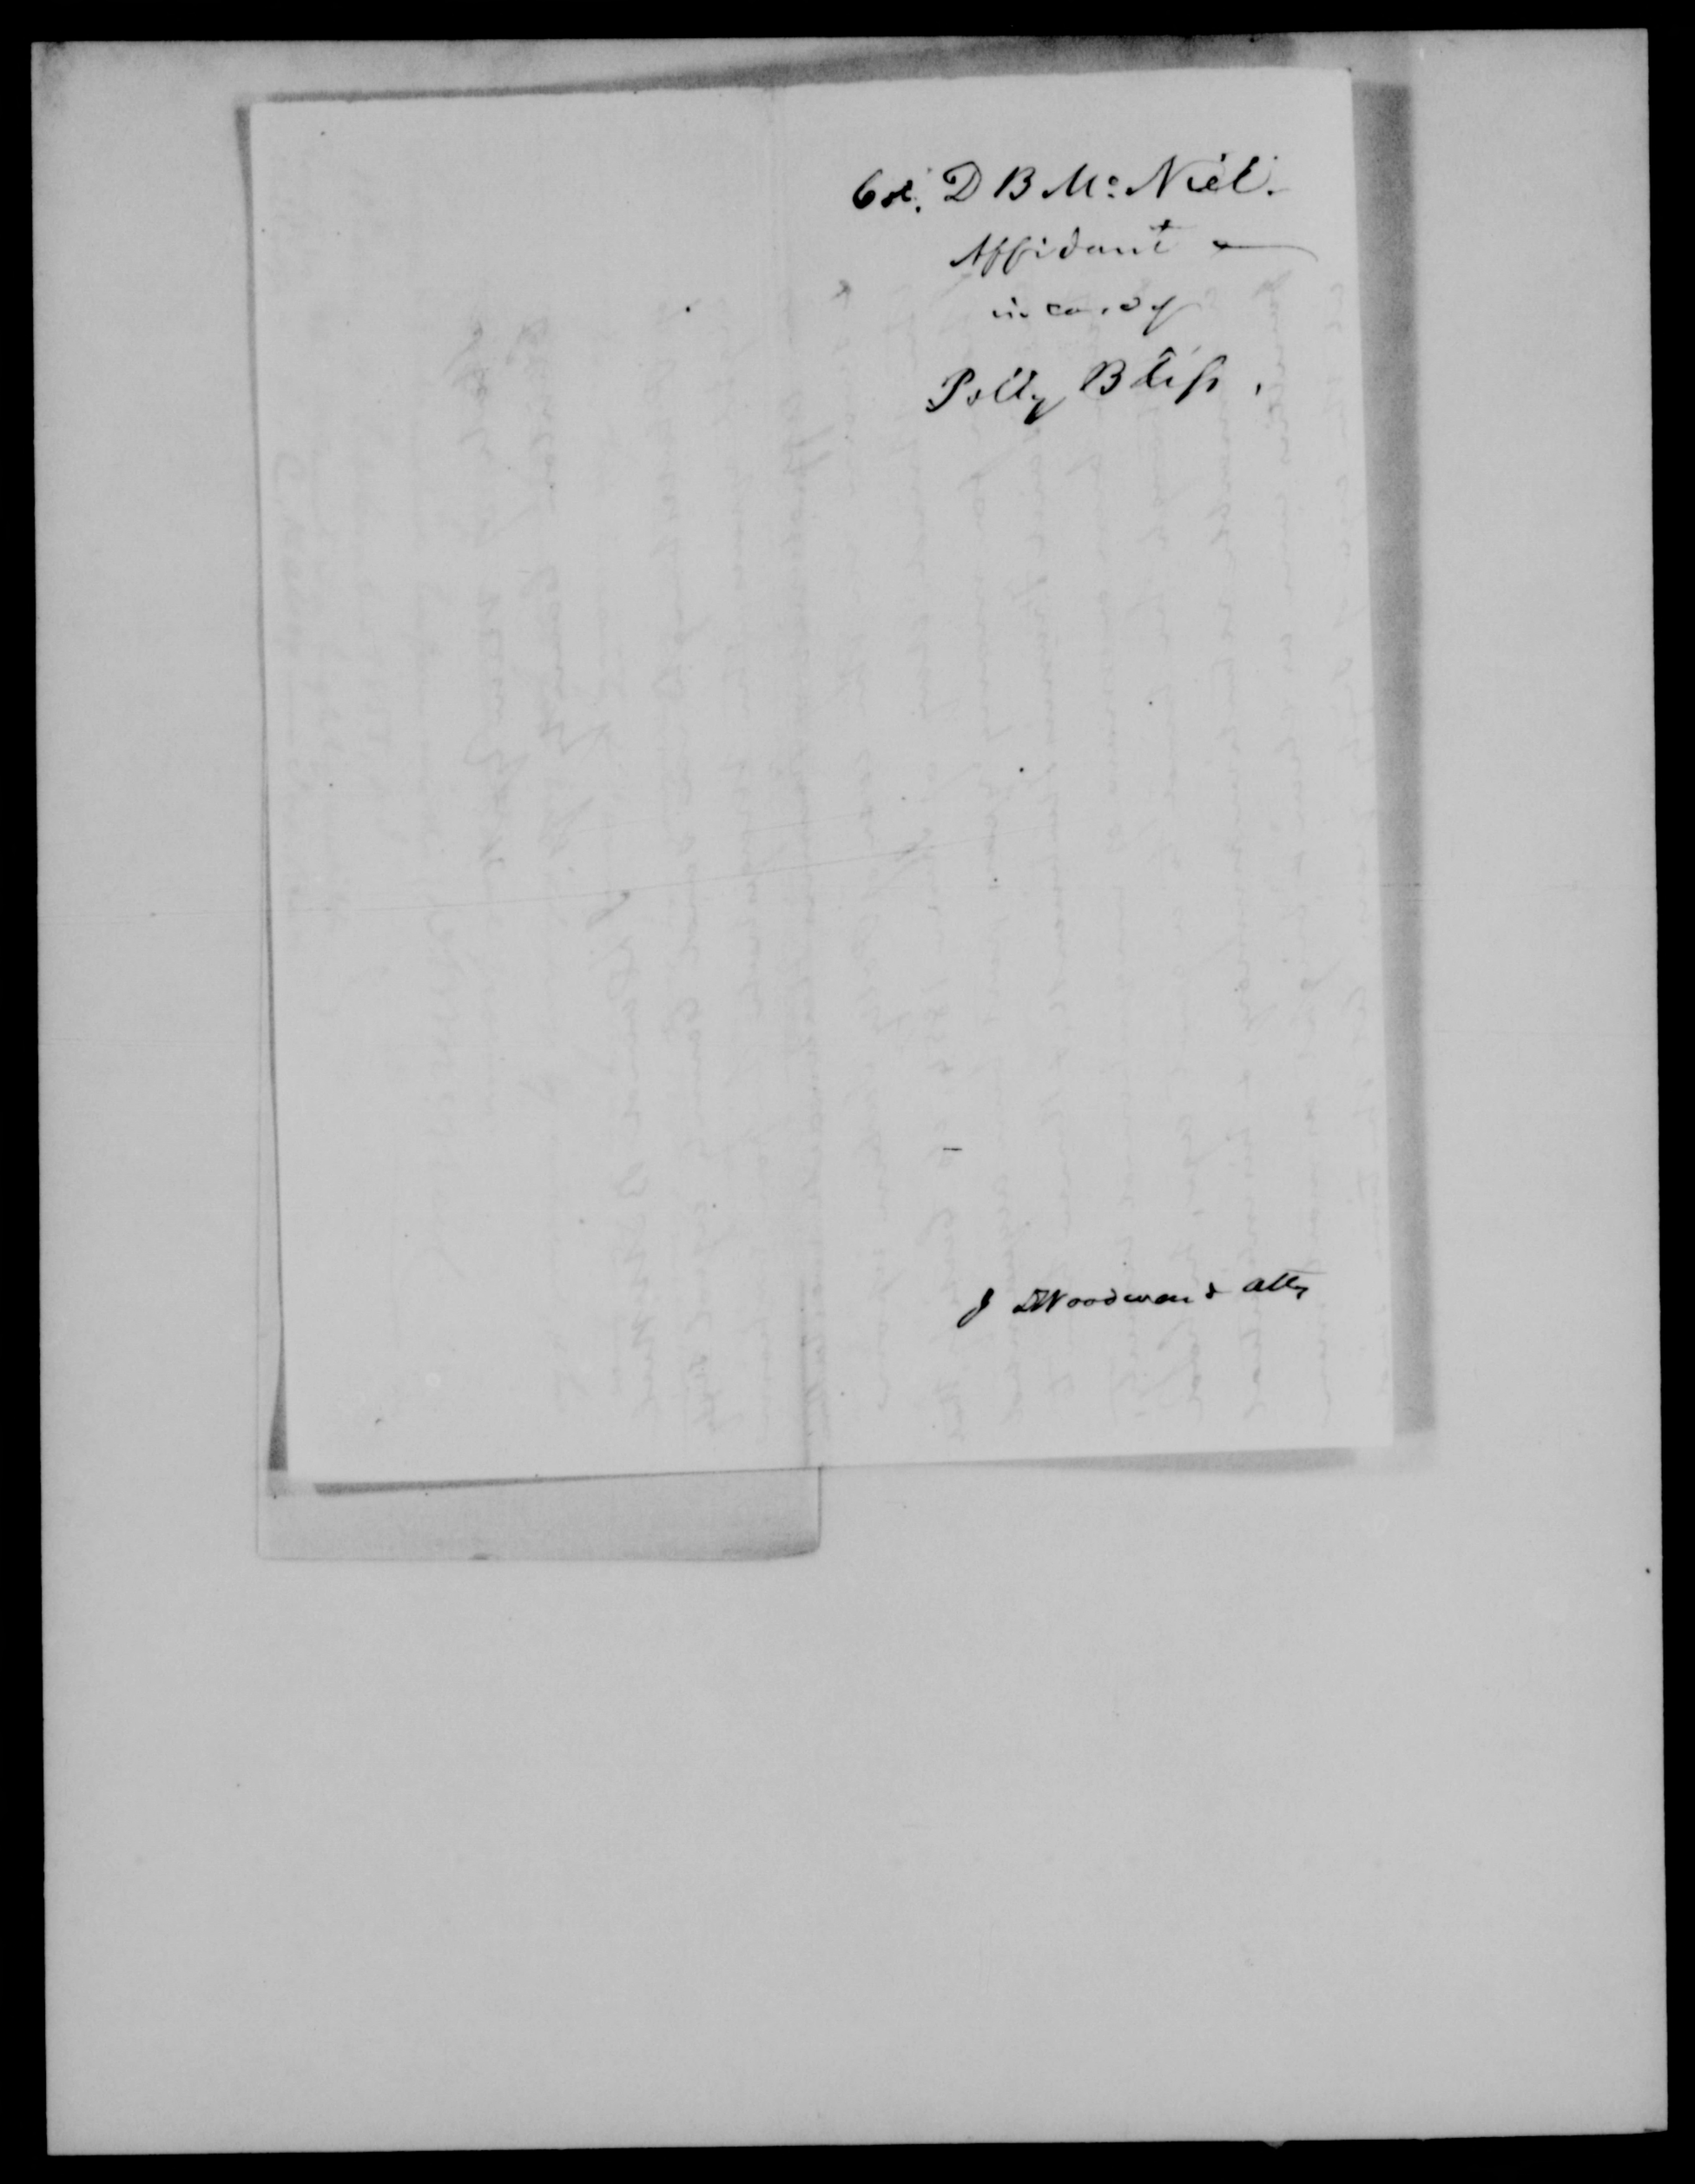Col. D. B. McNiel
Affidavit
in case of
Polly Bliss

J. D. Woodward Atty.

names: Polly Bliss, D B Mc Niel, J D Woodward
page: 48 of 64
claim: widow's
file: W. 5831, Edmund Town, Mass.